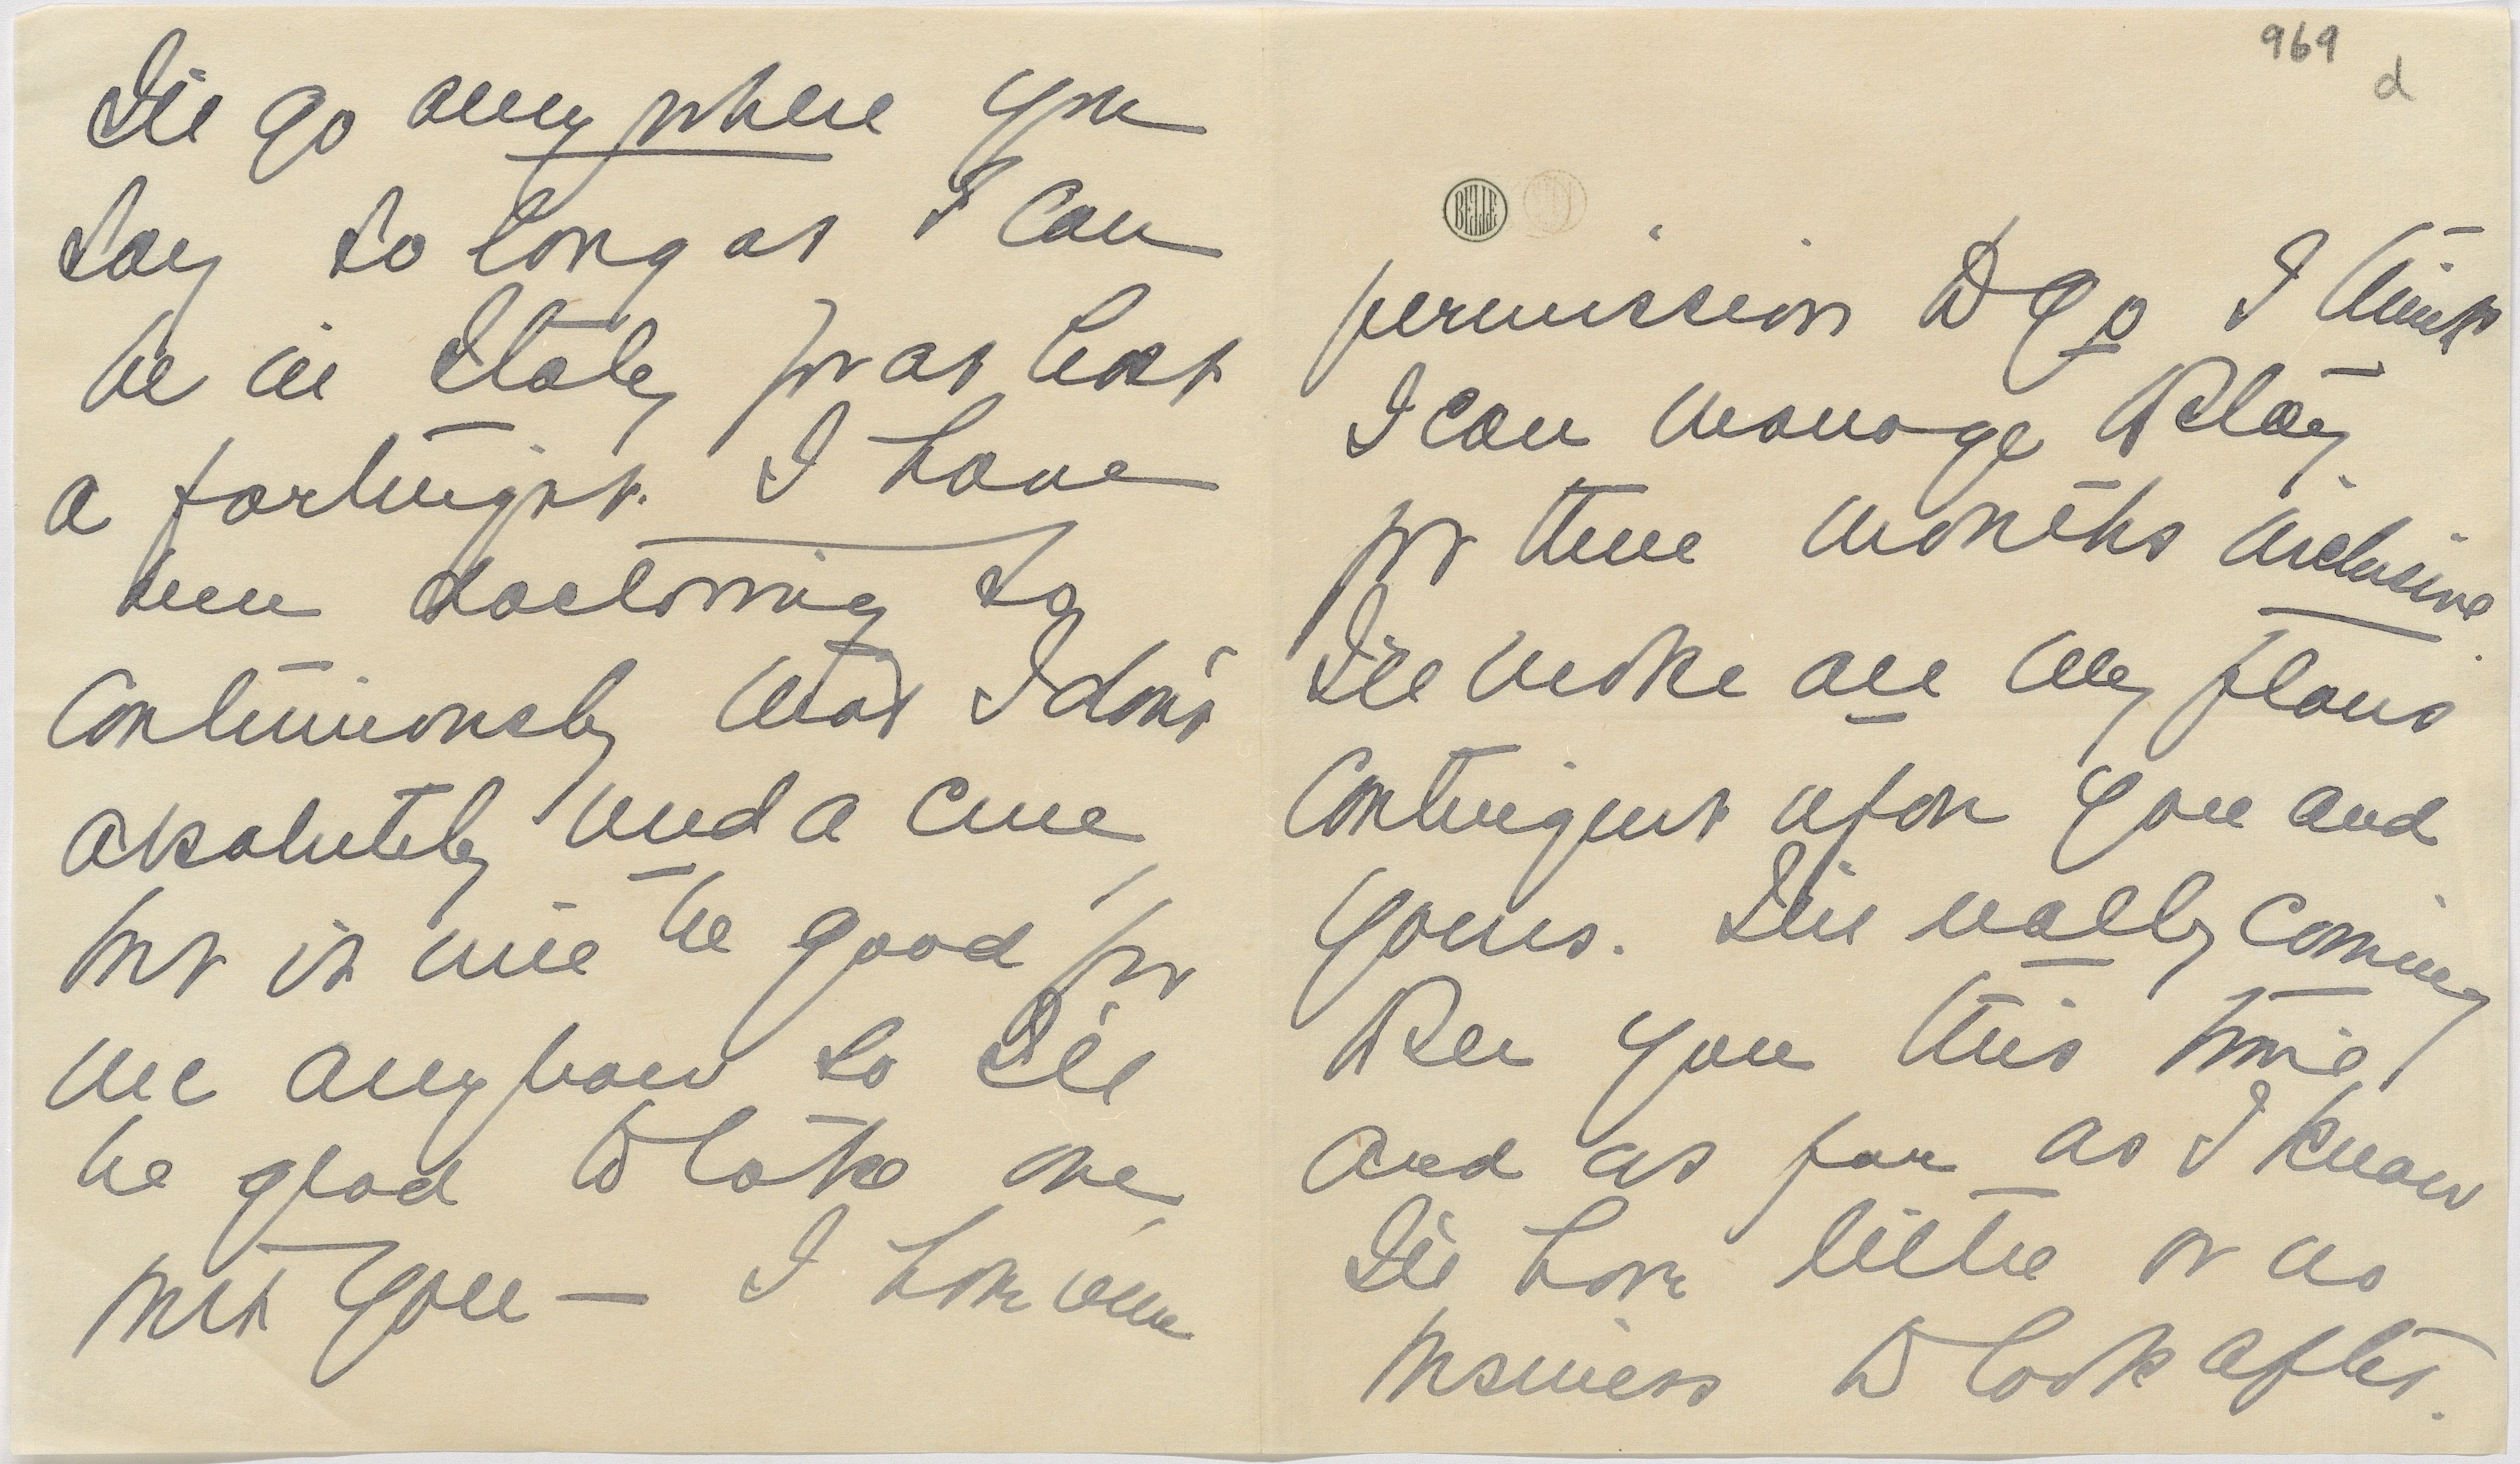permission to go I think I can manage to stay for three months inclusive. I’ll make all my plans contingent upon you and yours. I’m really coming to see you this time and as far as I know I’ll have little or no business to look after.
I’ll go anywhere you say so long as I can be in Italy for at least a fortnight. I have been doctoring so continuously that I don’t absolutely need a cure, but it will be good for me anyhow so I’ll be glad to take one with you – I have been